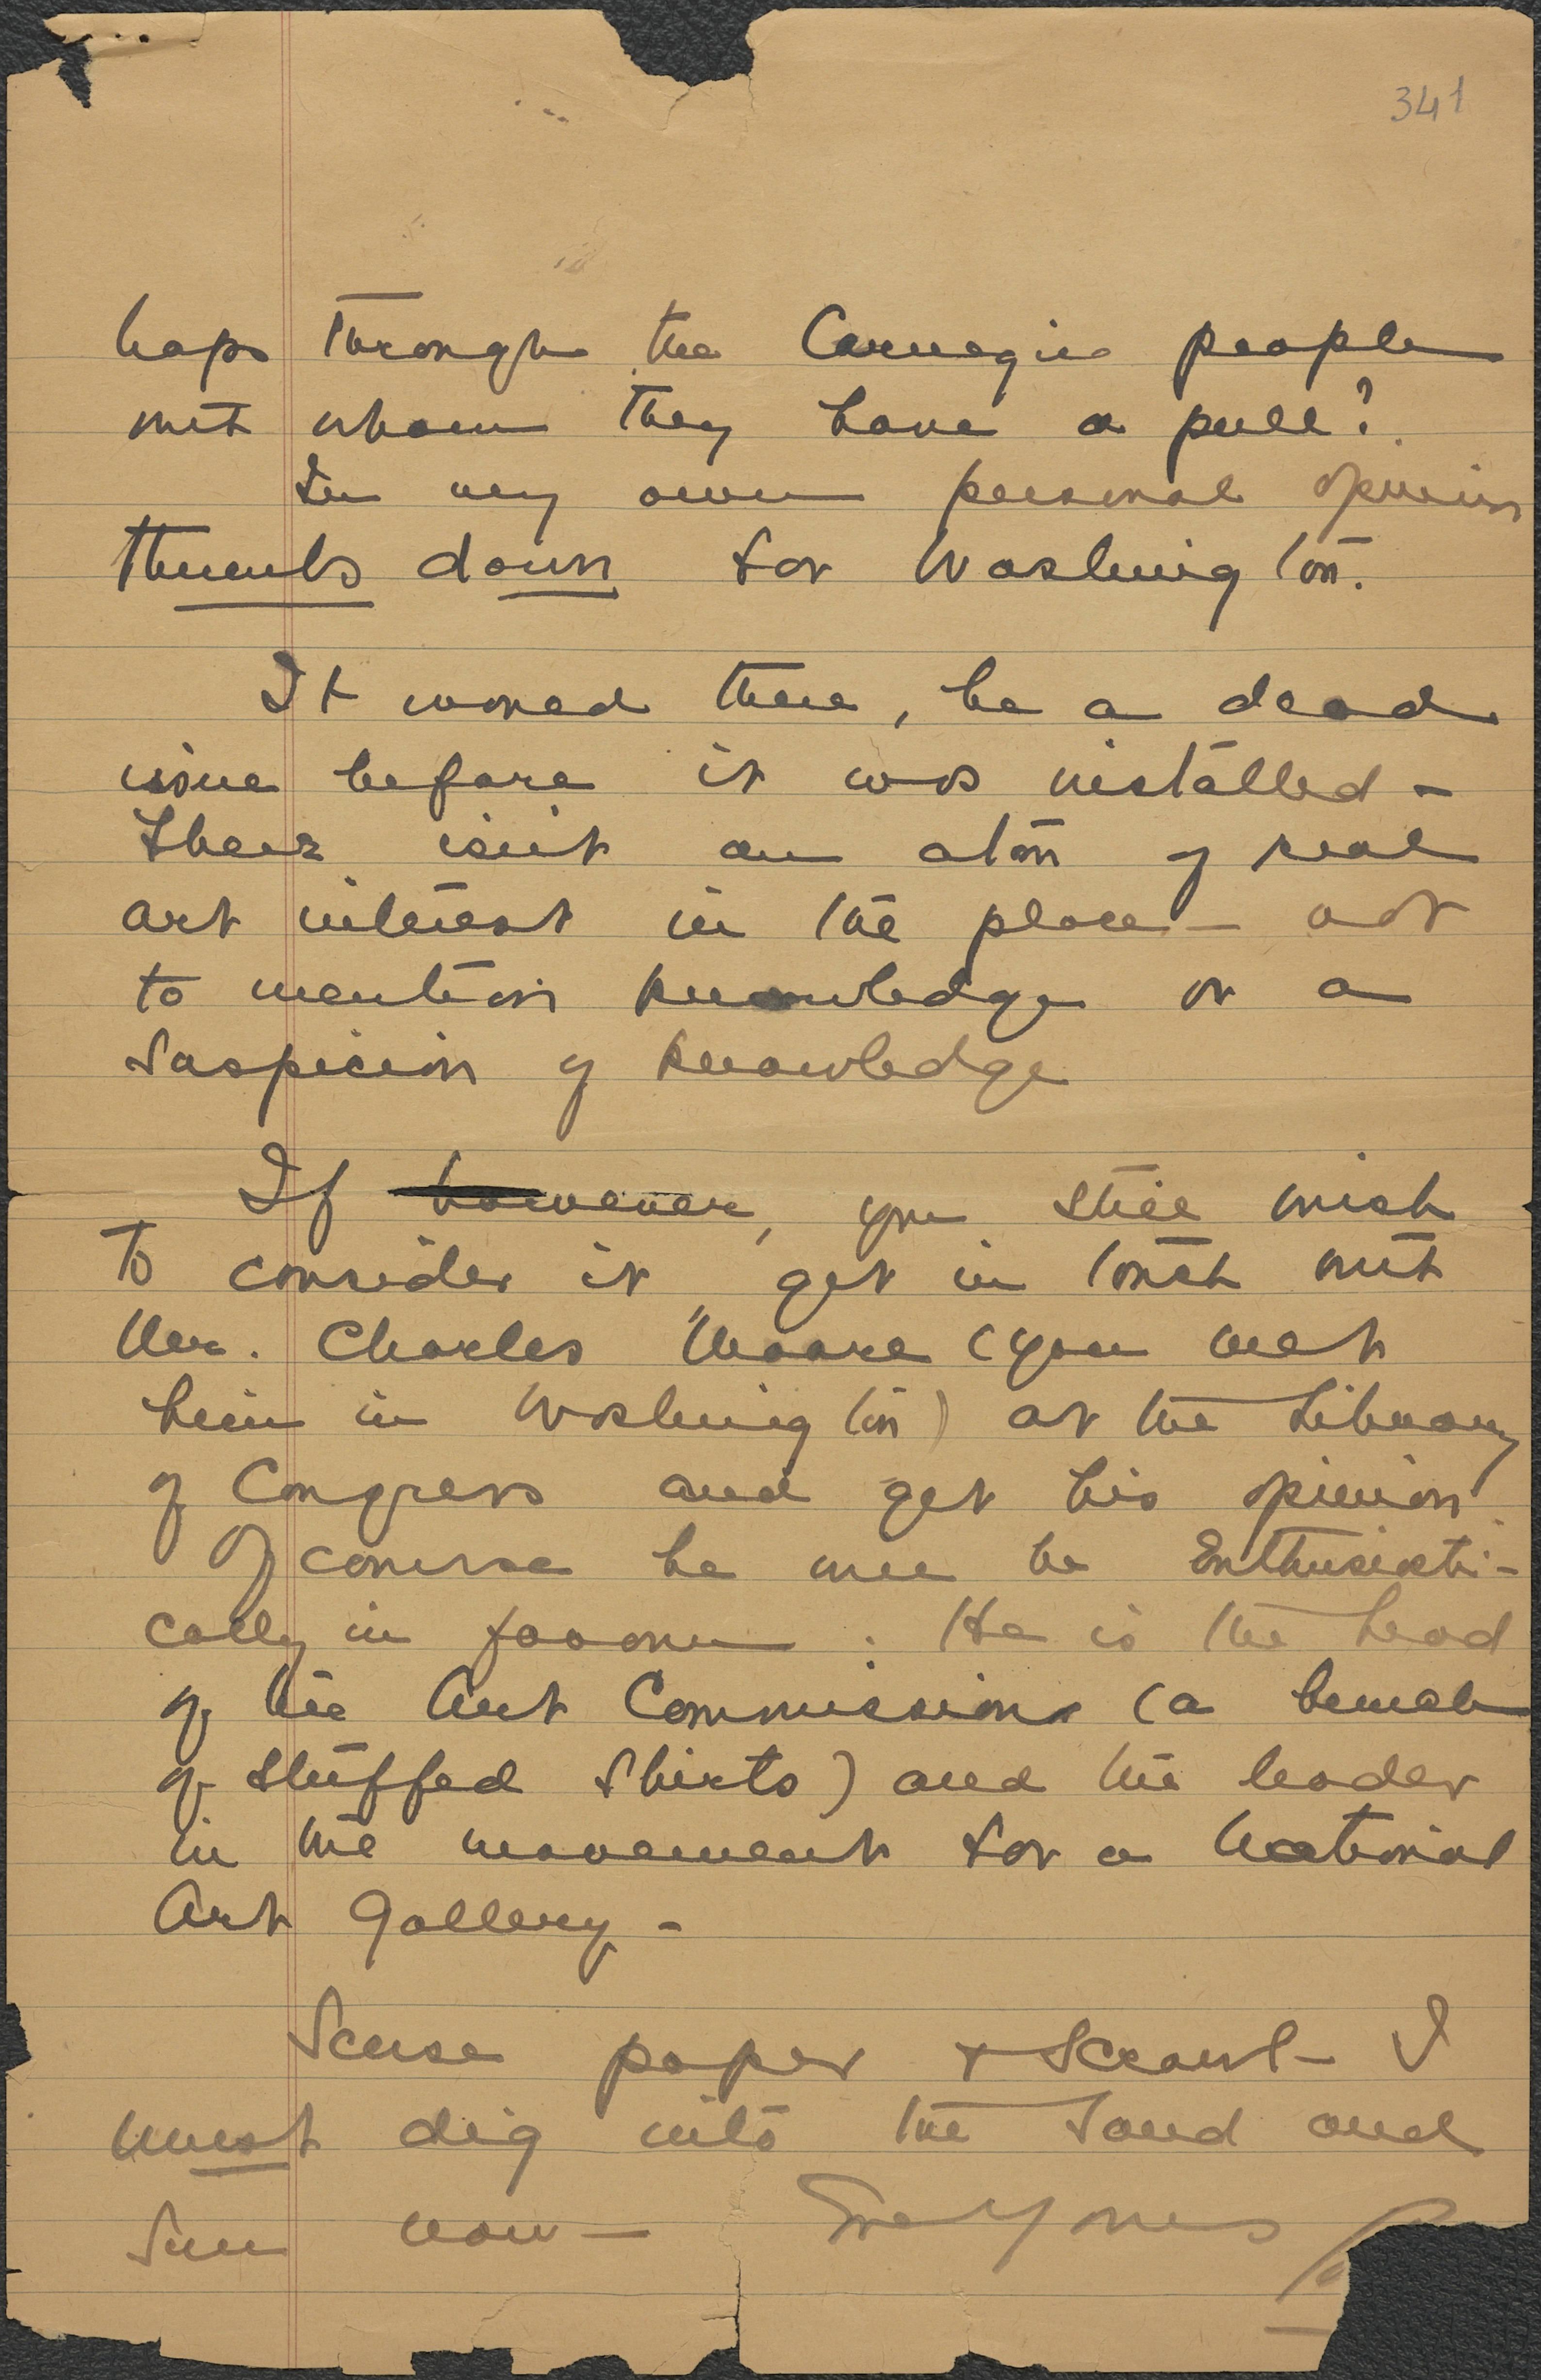through the Carnegie people with whom they have a pull?
In my own personal opinion thumbs down for Washington.
It would there, be a dead issue before it was installed – There isn't an atom of real art interest in the place – not to mention knowledge or a suspicion of knowledge
If however, you still wish to consider it, get in touch with Mr. Charles Moore (you met him in Washington) at the Library of Congress and get his opinion.
Of course he will be enthusiastically in form: He is the head of the Art Commissions (a bunch of stuffed shirts) and the leader in the movement for a National Art Gallery –
Scuse paper & scrawl – I must dig into the sand and sun now –
Ever Yours
B [loss]